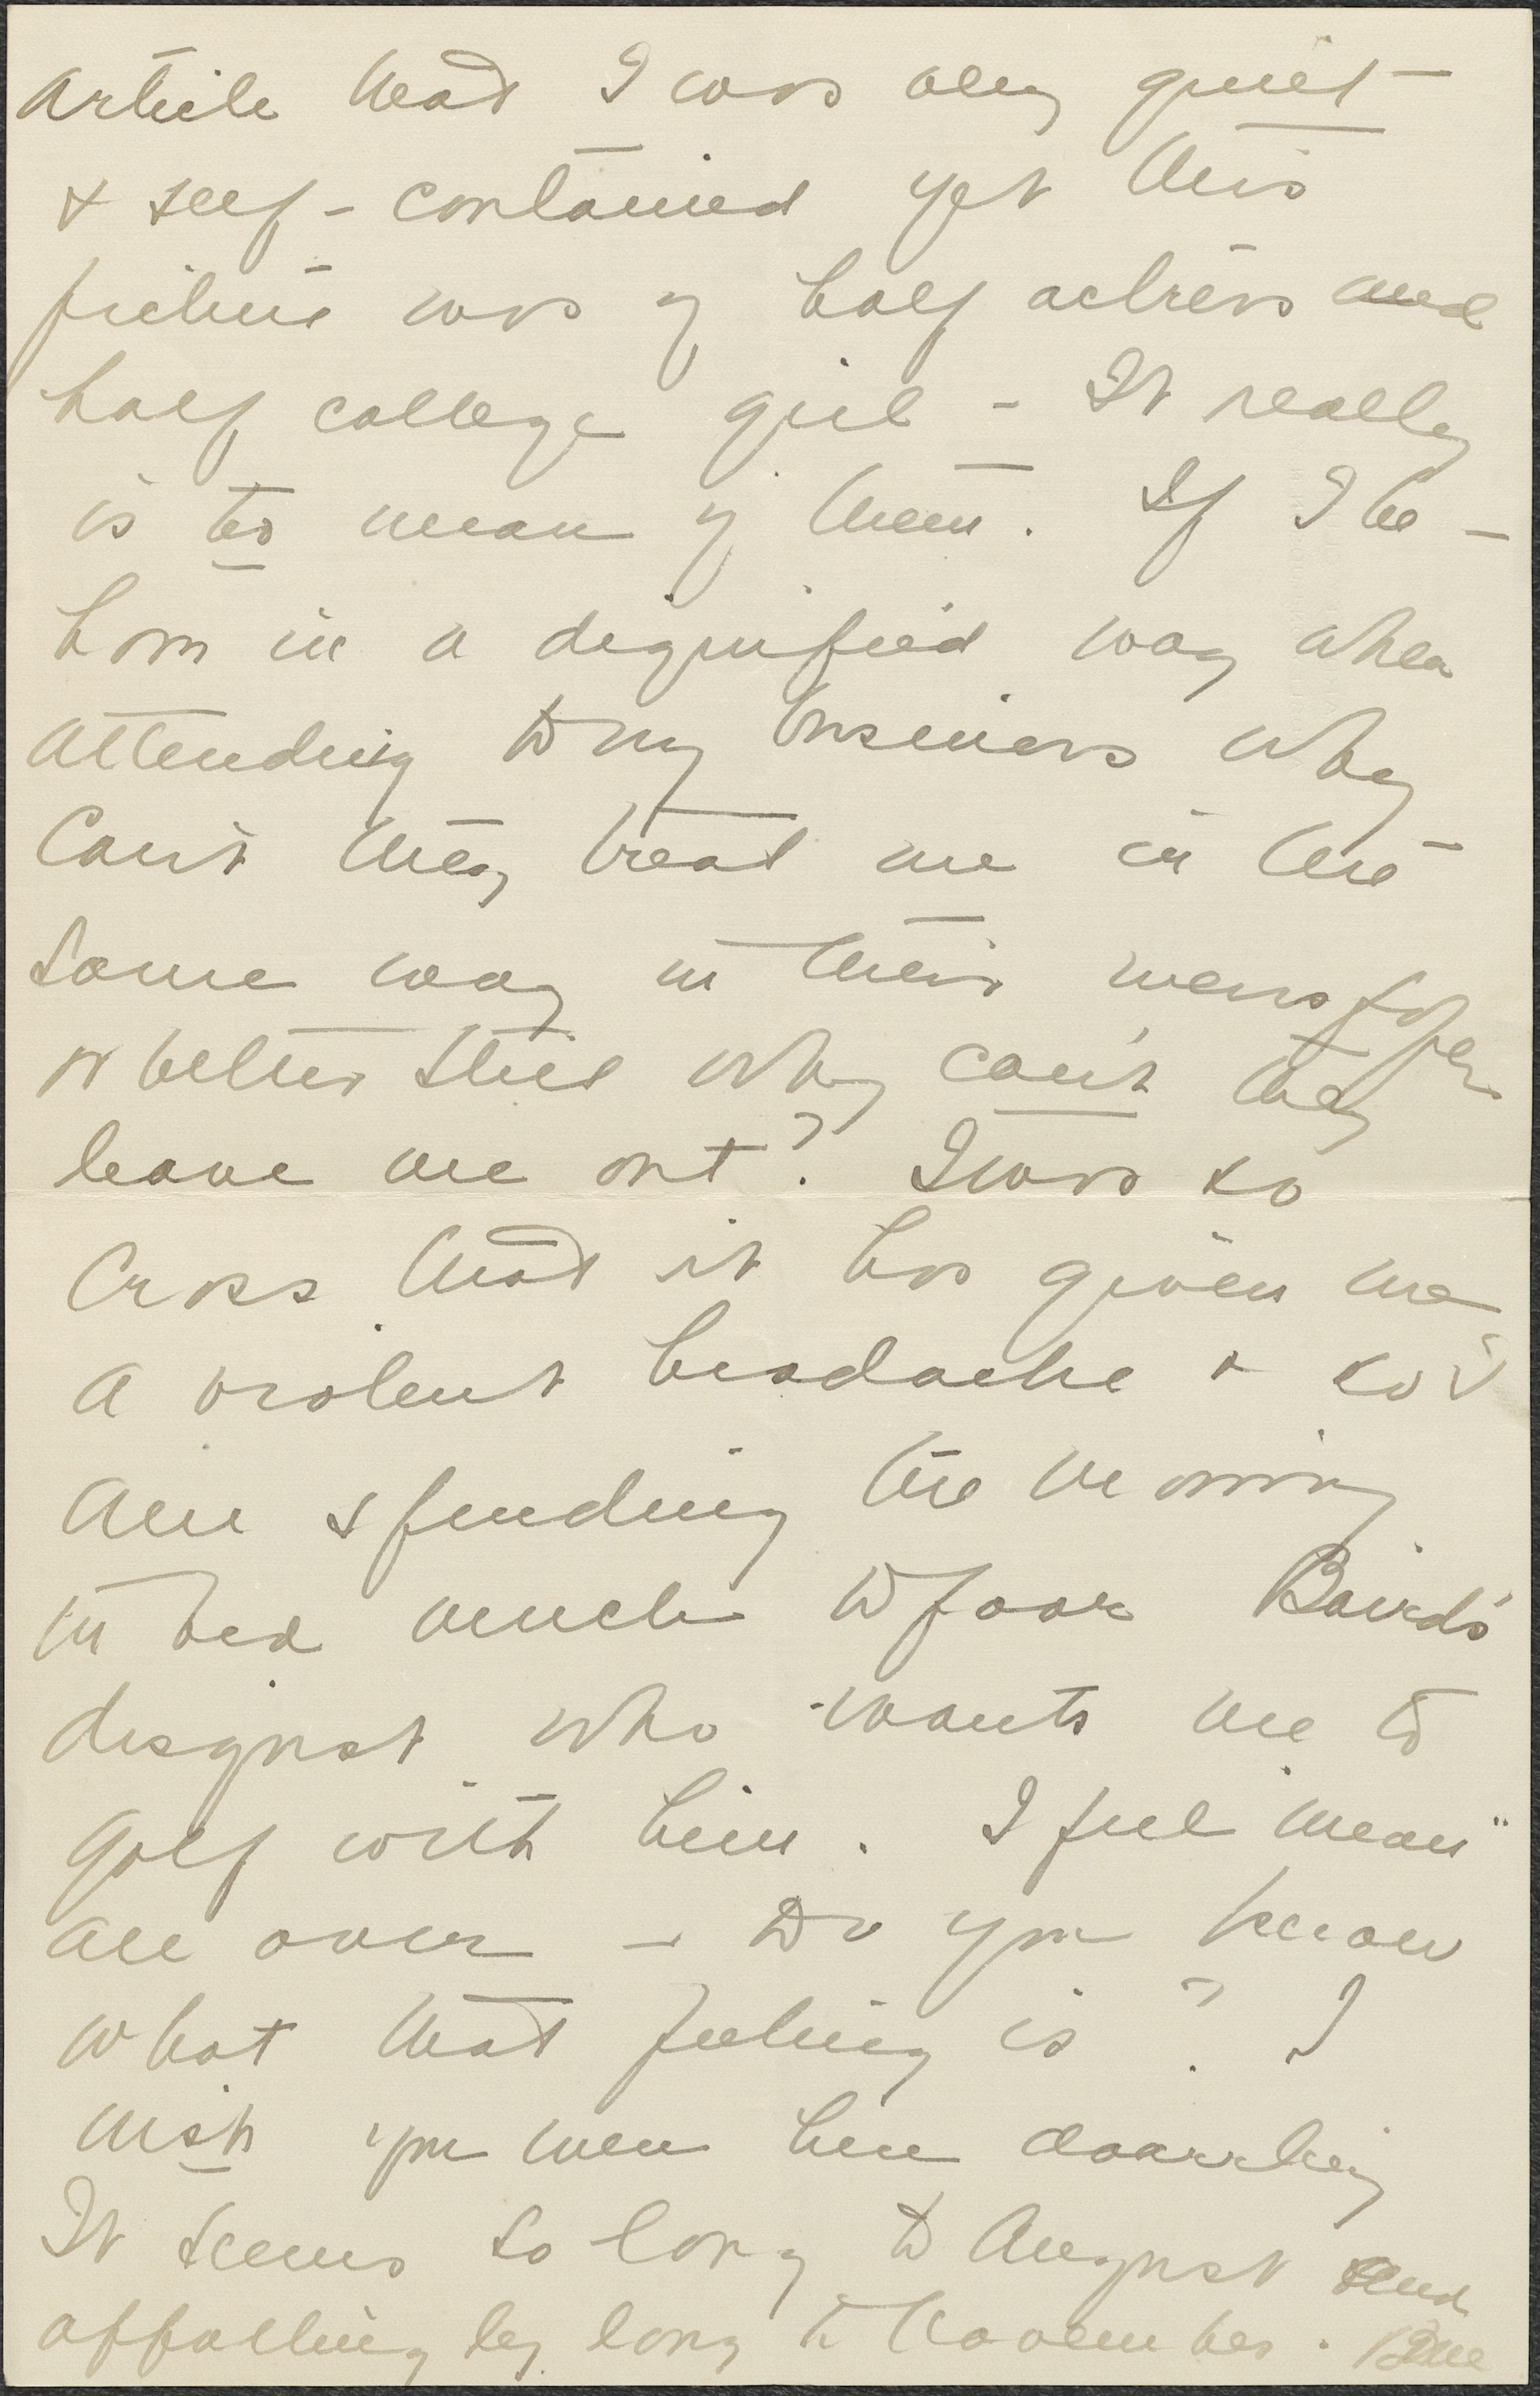article that I was very quiet – & self-contained yet this picture was of half actress and half college girl – It really is too mean of them. If I behave in a dignified way when attending to my business why can’t they treat me in the same way in their newspaper or better still why can’t they leave me out? I was so cross that it has given me a violent headache & so I am spending the morning in bed much to poor Baird’s disgust who wants me to golf with him. I feel “mean” all over – Do you know what that feeling is? I wish you were here daarrling
It seems so long to August and appallingly long to November. Belle